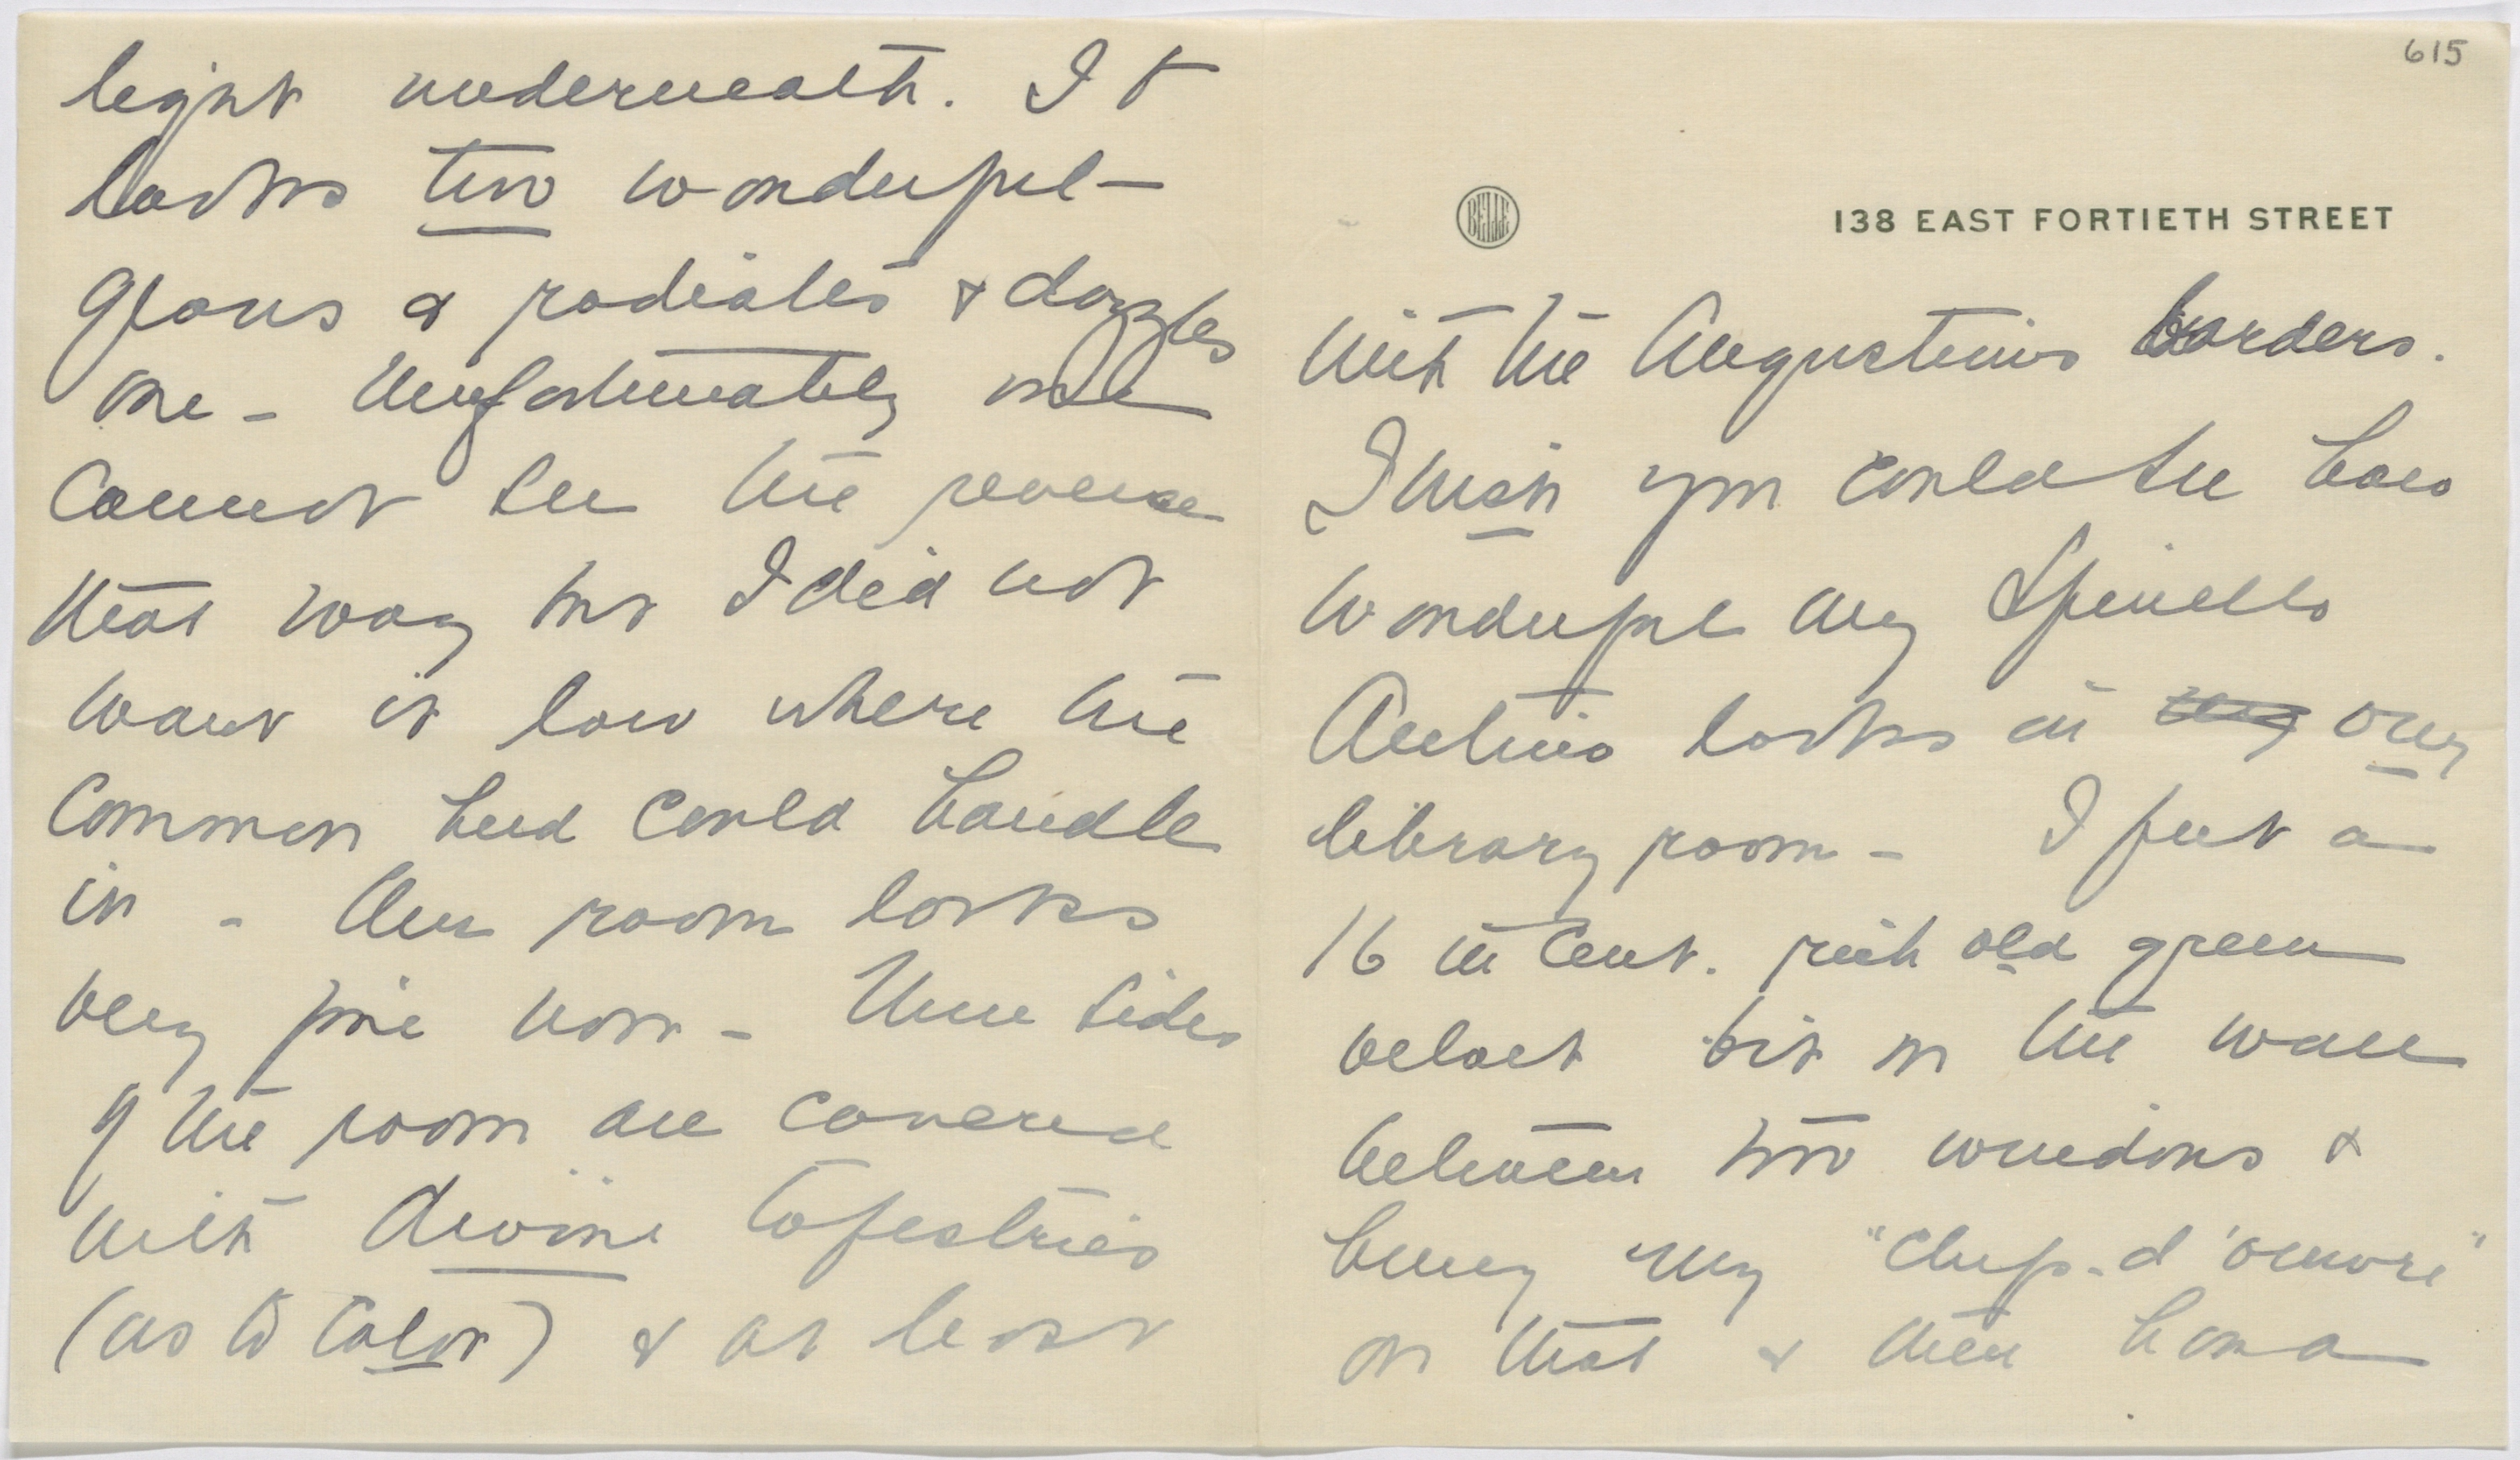with the Augustinus borders. I wish you could see how wonderful my Spinello Aretino looks in my our library room – I put a 16th Cent. rich old green velvet bit on the wall between two windows & hung my “chef-d'oeuvre” on that & then have a
light underneath. It looks two [sic] wonderful – glows & radiates & dazzles me – unfortunately we cannot see the reverse that way but I did not want it low where the common herd could handle it – Our room looks very fine now – Three sides of the room are covered with divine tapestries (as to color) & at least